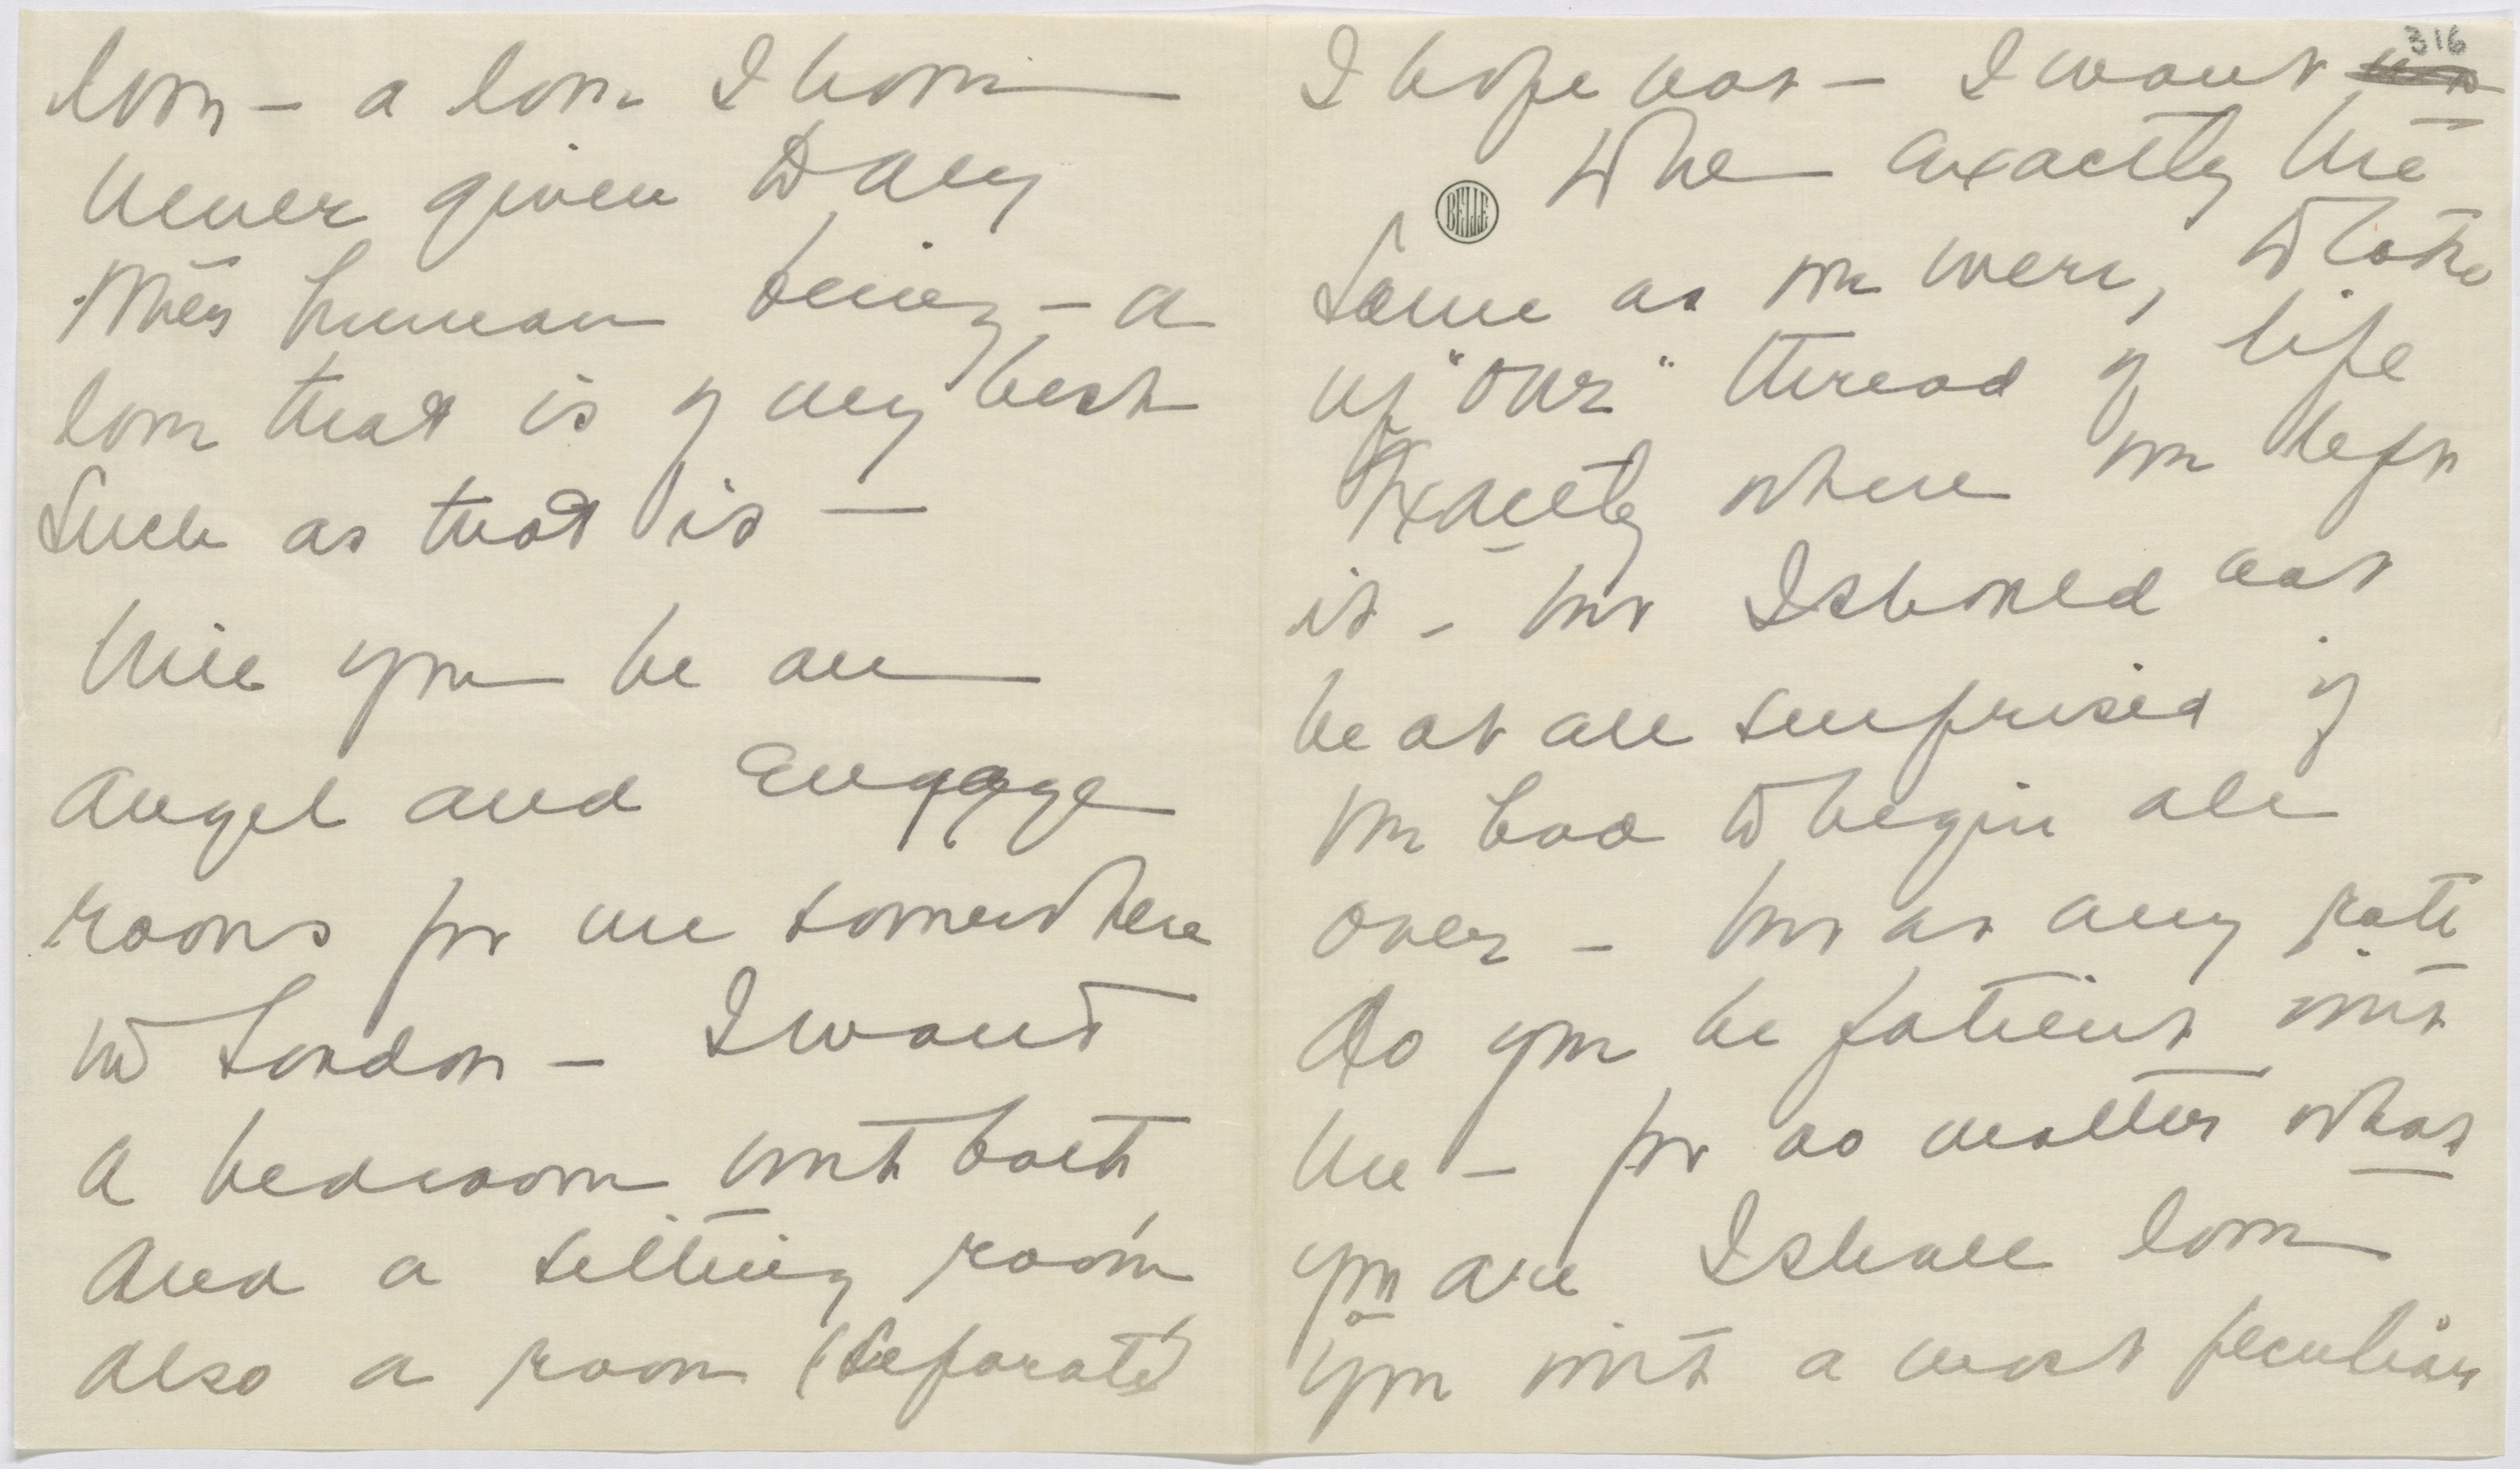I hope not – I want us to be exactly the same as we were, to take up “our” thread of life exactly where we left it – but I should not be at all surprised if we had to begin all over – but at any rate do you be patient with me – for no matter what you are I shall love you with a most peculiar
love – a love I have never given to any other human being – a love that is of my best such as that is –
Will you be an angel and engage rooms for me somewhere in London – I want a bedroom with bath, and a sitting room, also a room (separate)